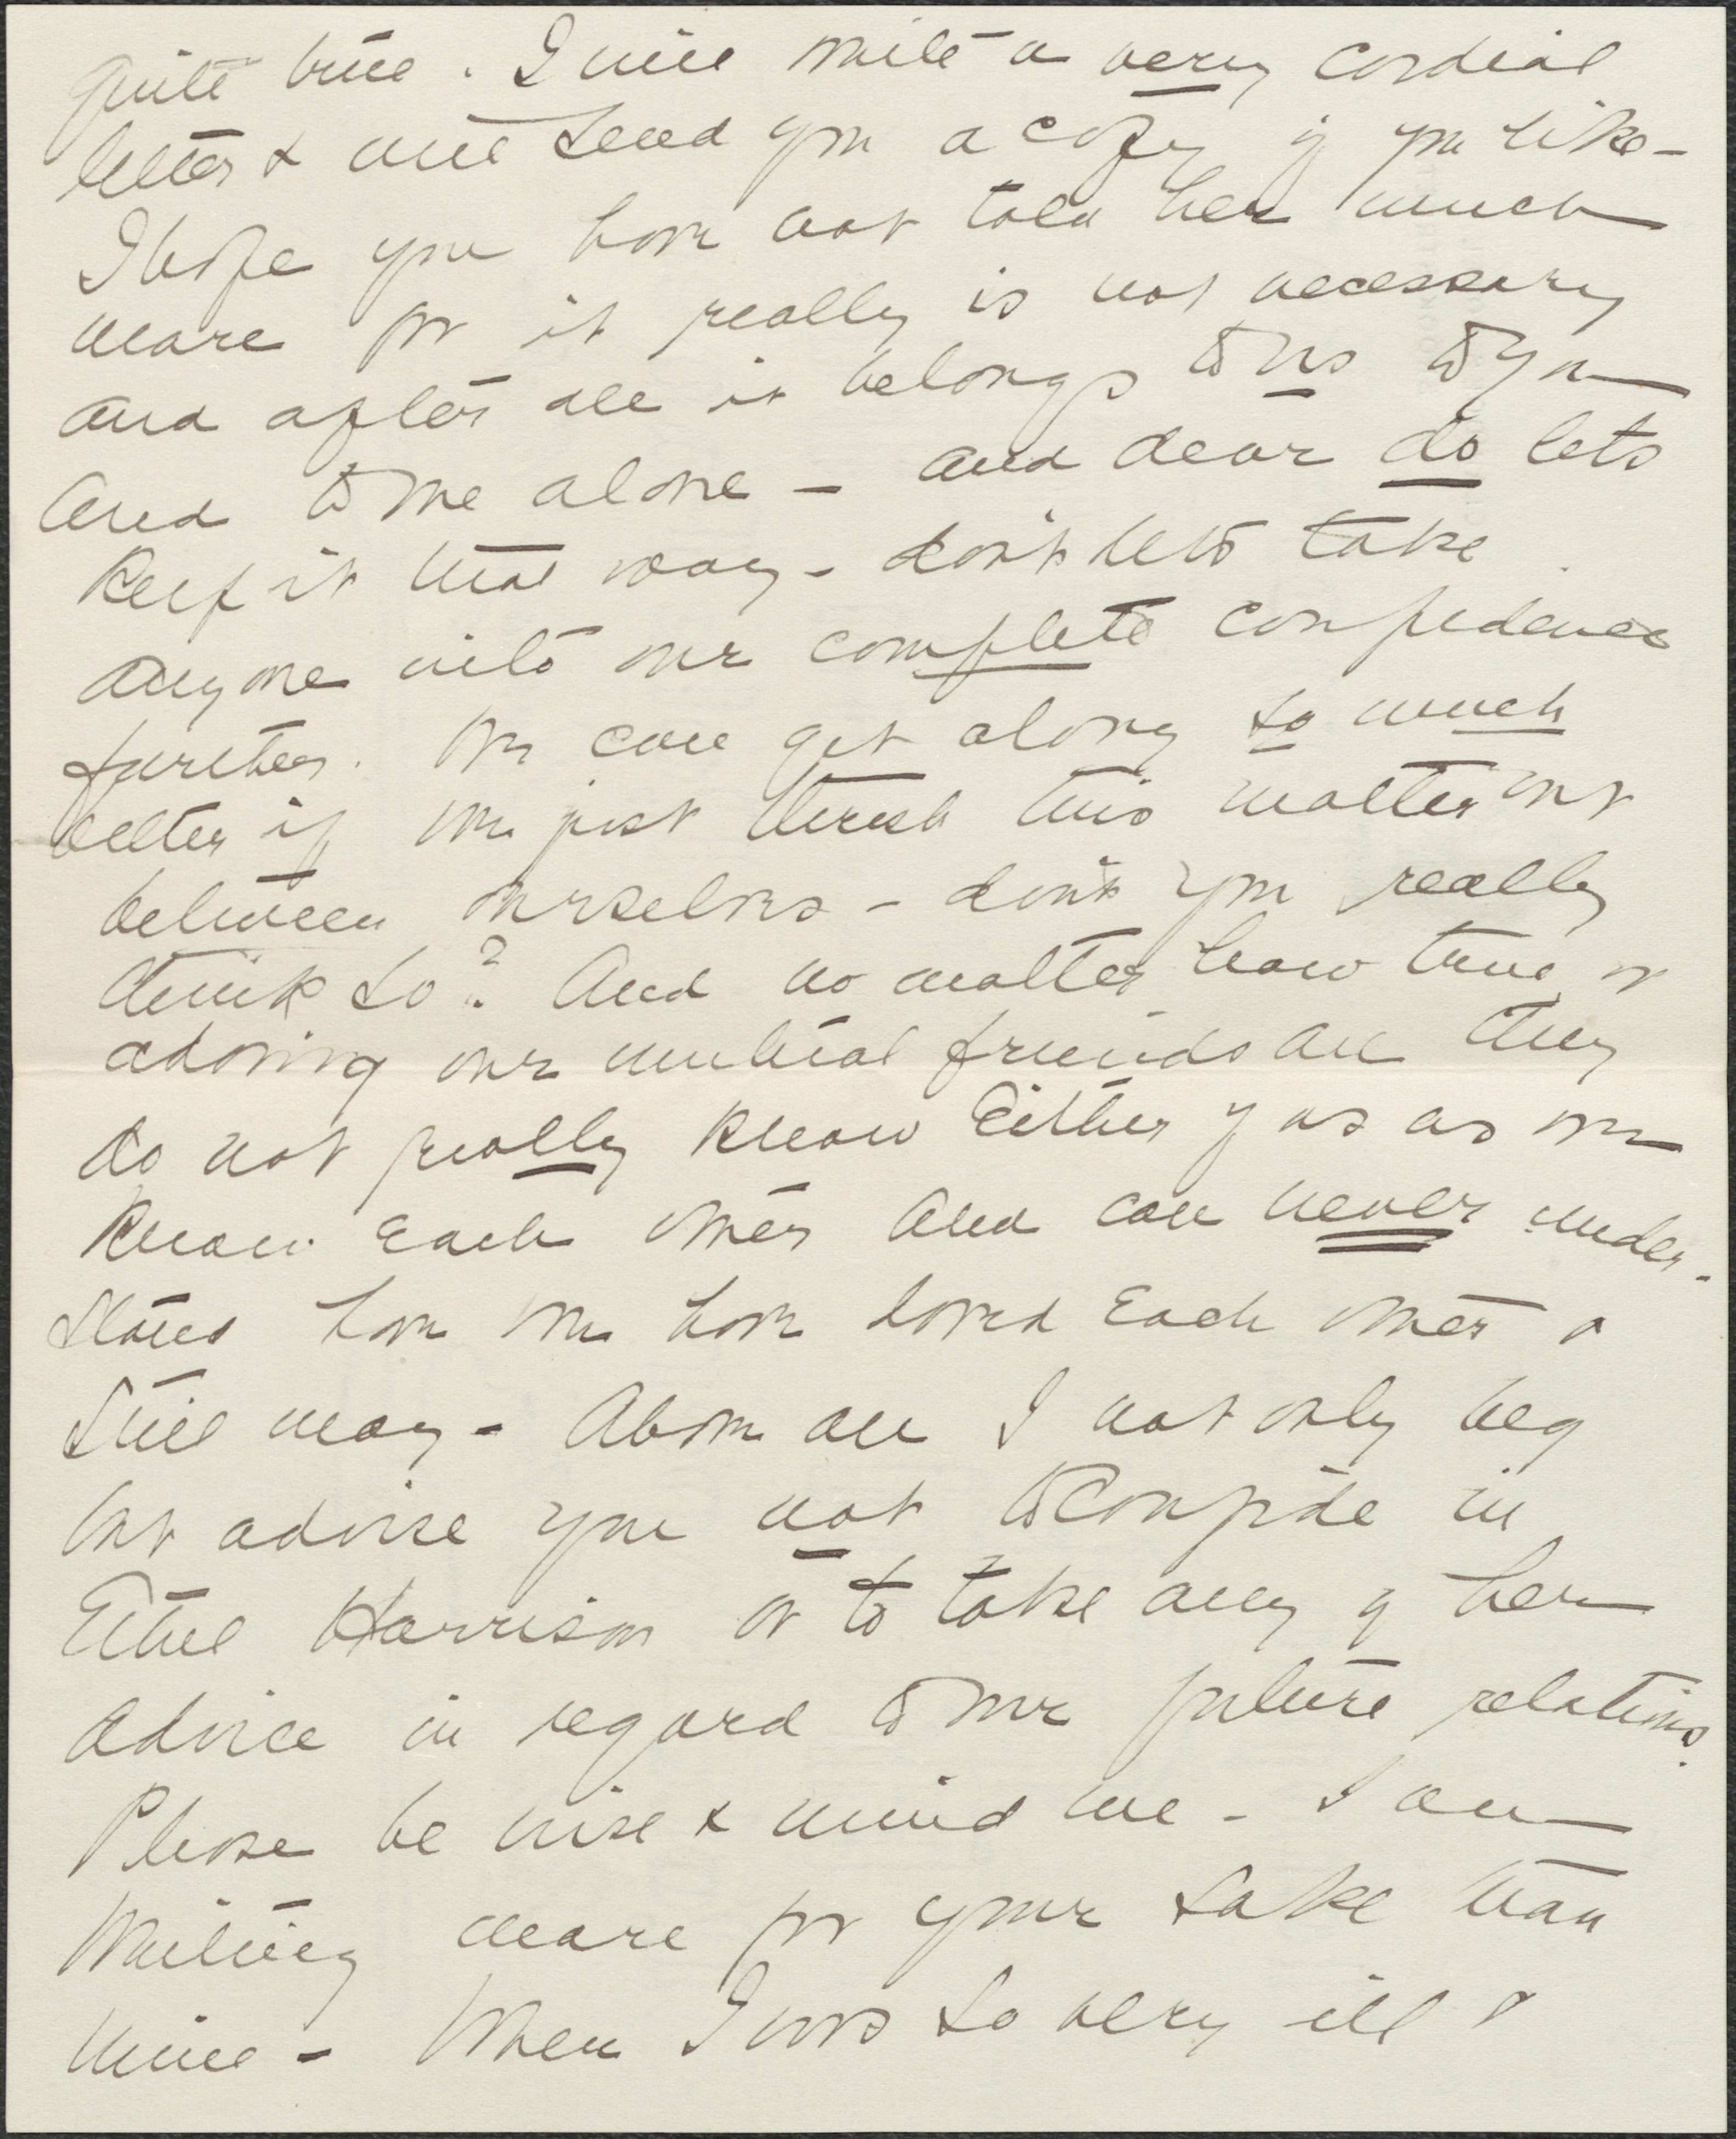quite true. I will write a very cordial letter & will send you a copy if you like – I hope you have not told her much more for it really is not necessary and after all it belongs to us to you and to me alone – and dear do lets keep it that way – don’t lets [sic] take any one into our complete confidence further. We can get along so much better if we just thresh this matter out between ourselves – don’t you really think so? And no matter how true or adoring our mutual friends are they do not really know either of us as we know each other and can [double underlined: never] understand how we have loved each other & still may – Above all I not only beg but advise you not to confide in Ethel Harrison or to take any of her advice in regard to our future relations. Please be wise & mind me – I am writing more for your sake than mine – When I was so very ill &